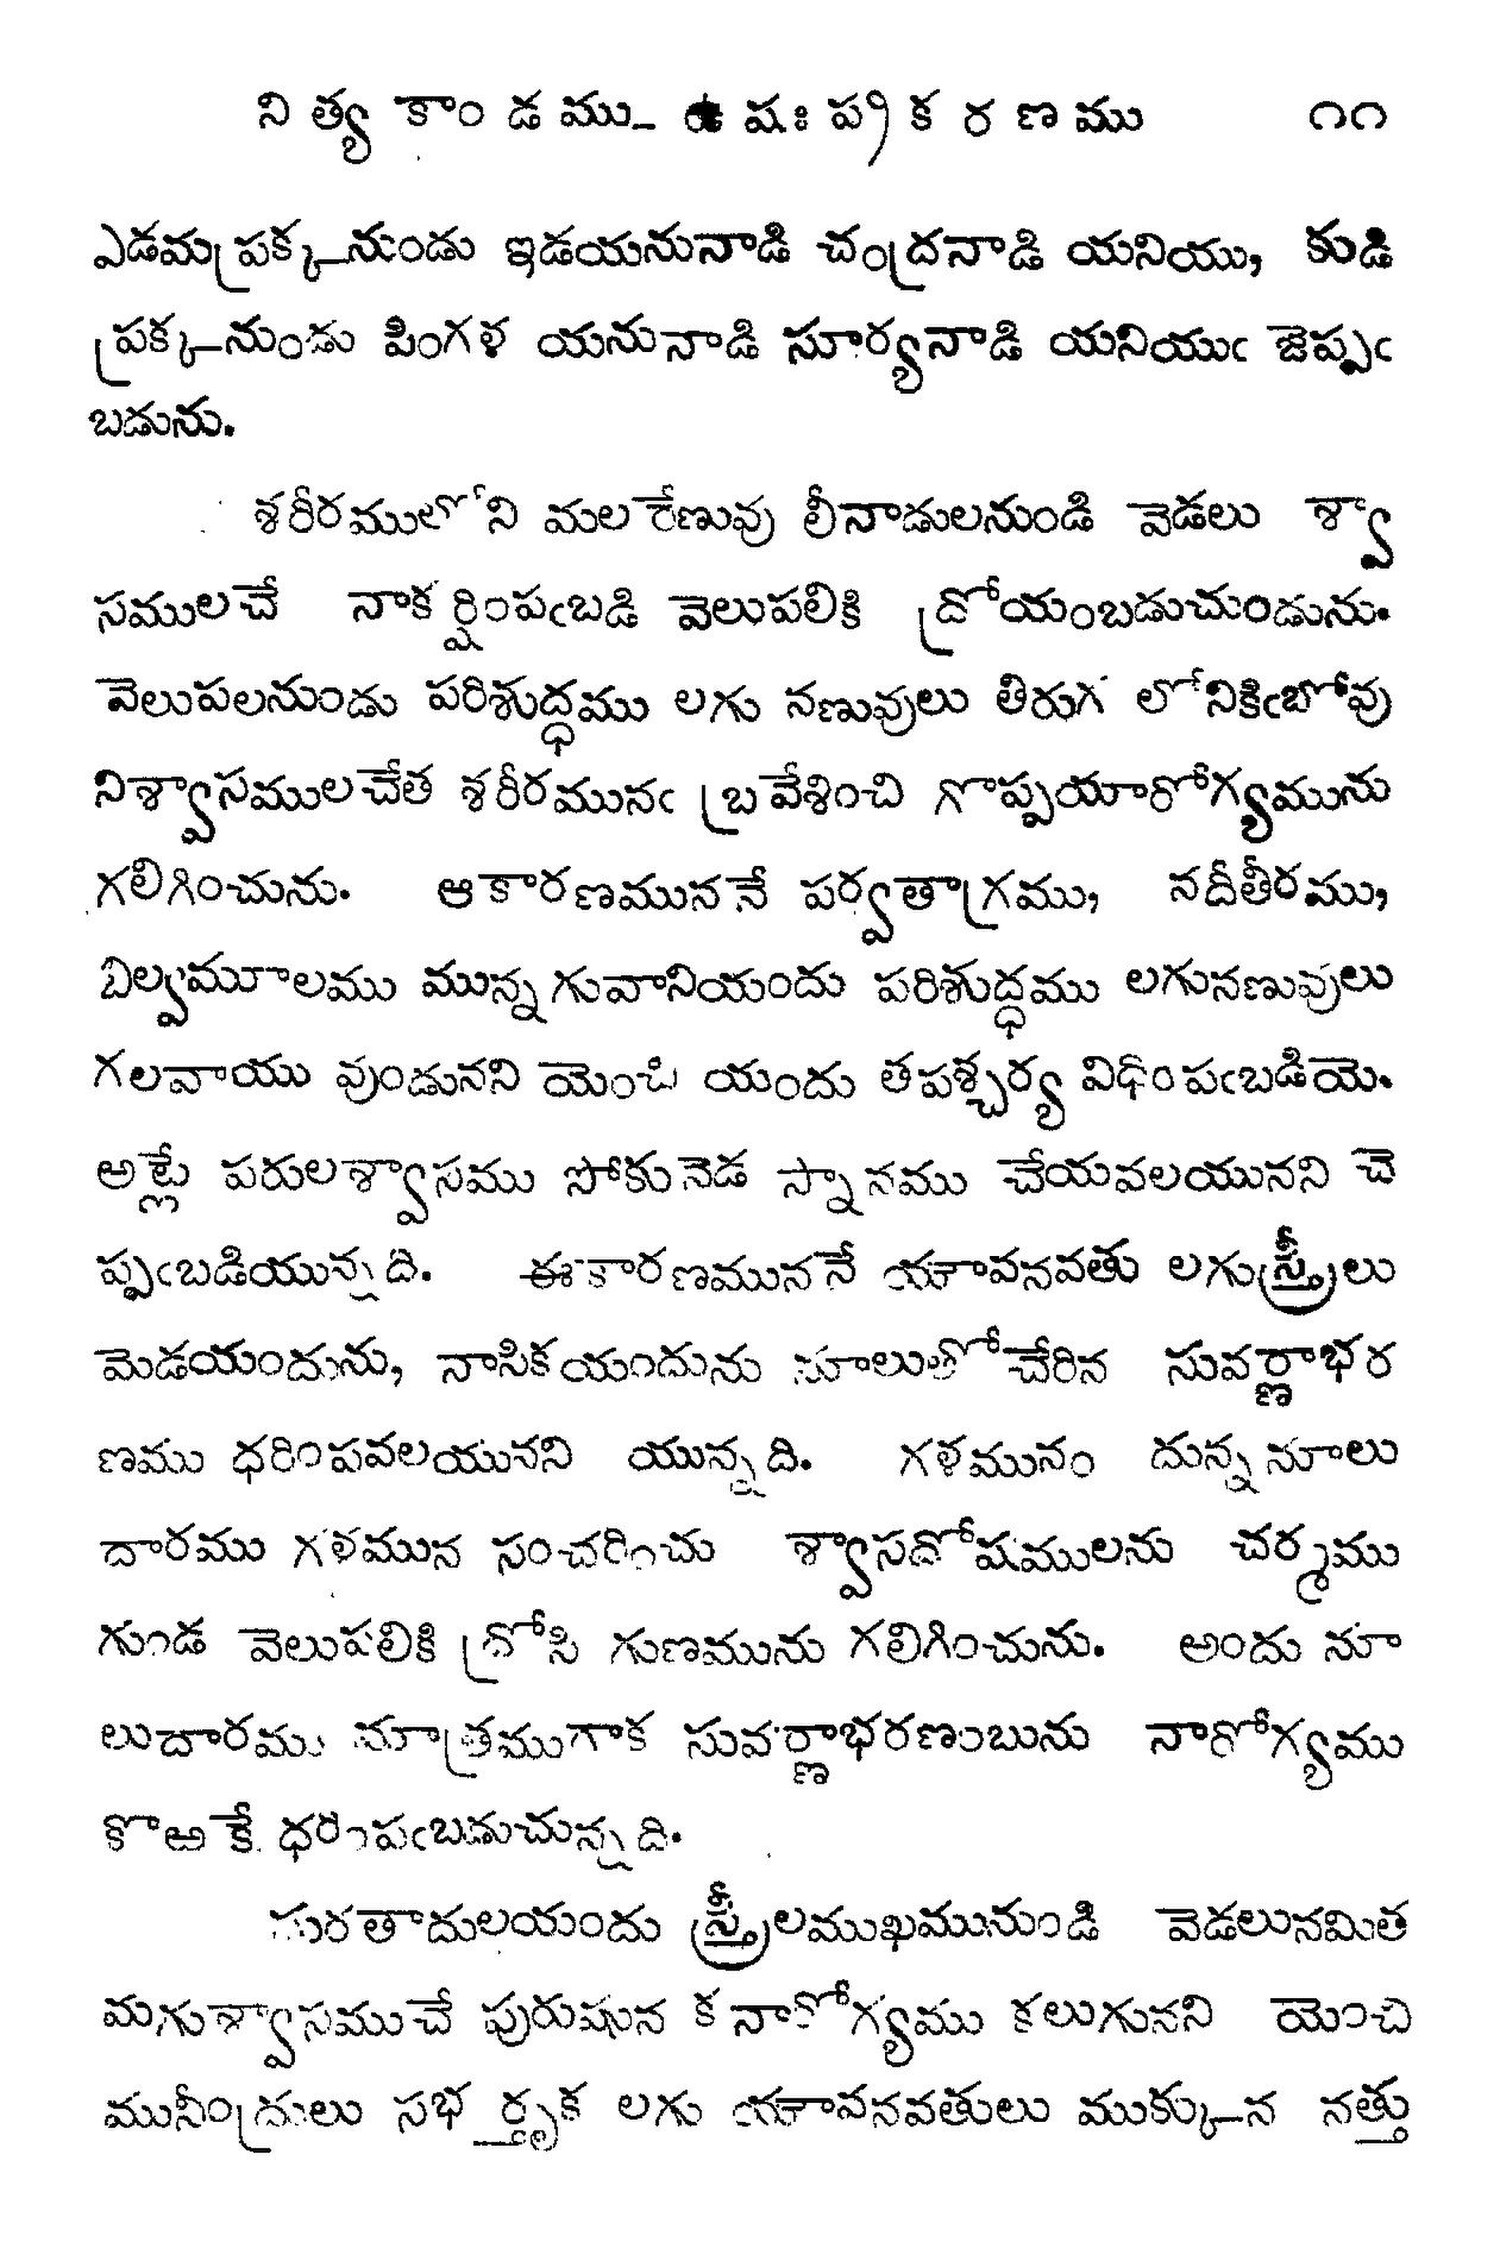ఎడమప్రక్కనుండు ఇడయనునాడి చంద్రనాడి యనియు, కుడిప్రక్కనుండు పింగళ యనునాడి సూర్యనాడి యనియుఁ జెప్పఁబడును.

శరీరములోని మలరేణువు లీనాడులనుండి వెడలు శ్వాసములచే నాకర్షింపఁబడి వెలుపలికి ద్రోయంబడుచుండును. వెలుపలనుండు పరిశుద్ధము లగు నణువులు తిరుగ లోనికిఁబోవు నిశ్వాసములచేత శరీరమునఁ బ్రవేశించి గొప్పయారోగ్యమును గలిగించును. ఆ కారణముననే పర్వతాగ్రము, నదీతీరము,
బిల్వమూలము మున్నగువానియందు పరిశుద్ధము లగునణువులు గలవాయు వుండునని యెంచి యందు తపశ్చర్య విధింపఁబడియె. అట్లే పరులశ్వాసము సోకునెడ స్నానము చేయవలయునని చెప్పఁబడియున్నది. ఈకారణముననే యౌవనవతు లగుస్త్రీలు మెడయందును, నాసికయందును నూలుతోచేరిన సువర్ణాభరణము ధరింపవలయునని యున్నది. గళమునం దున్ననూలు దారము గళమున సంచరించు శ్వాసదోషములను చర్మముగుండ వెలుపలికి ద్రోసి గుణమును గలిగించును. అందు నూలుదారము మాత్రముగాక సువర్ణాభరణంబును నారోగ్యము కొఱకే ధరింపఁబడుచున్నది.

సురతాదులయందు స్త్రీలముఖమునుండి వెడలునమితమగుశ్వాసముచే పురుషున కనారోగ్యము కలుగునని యెంచి మునీంద్రులు సభర్తృక లగు యౌవనవతులు ముక్కున నత్తు